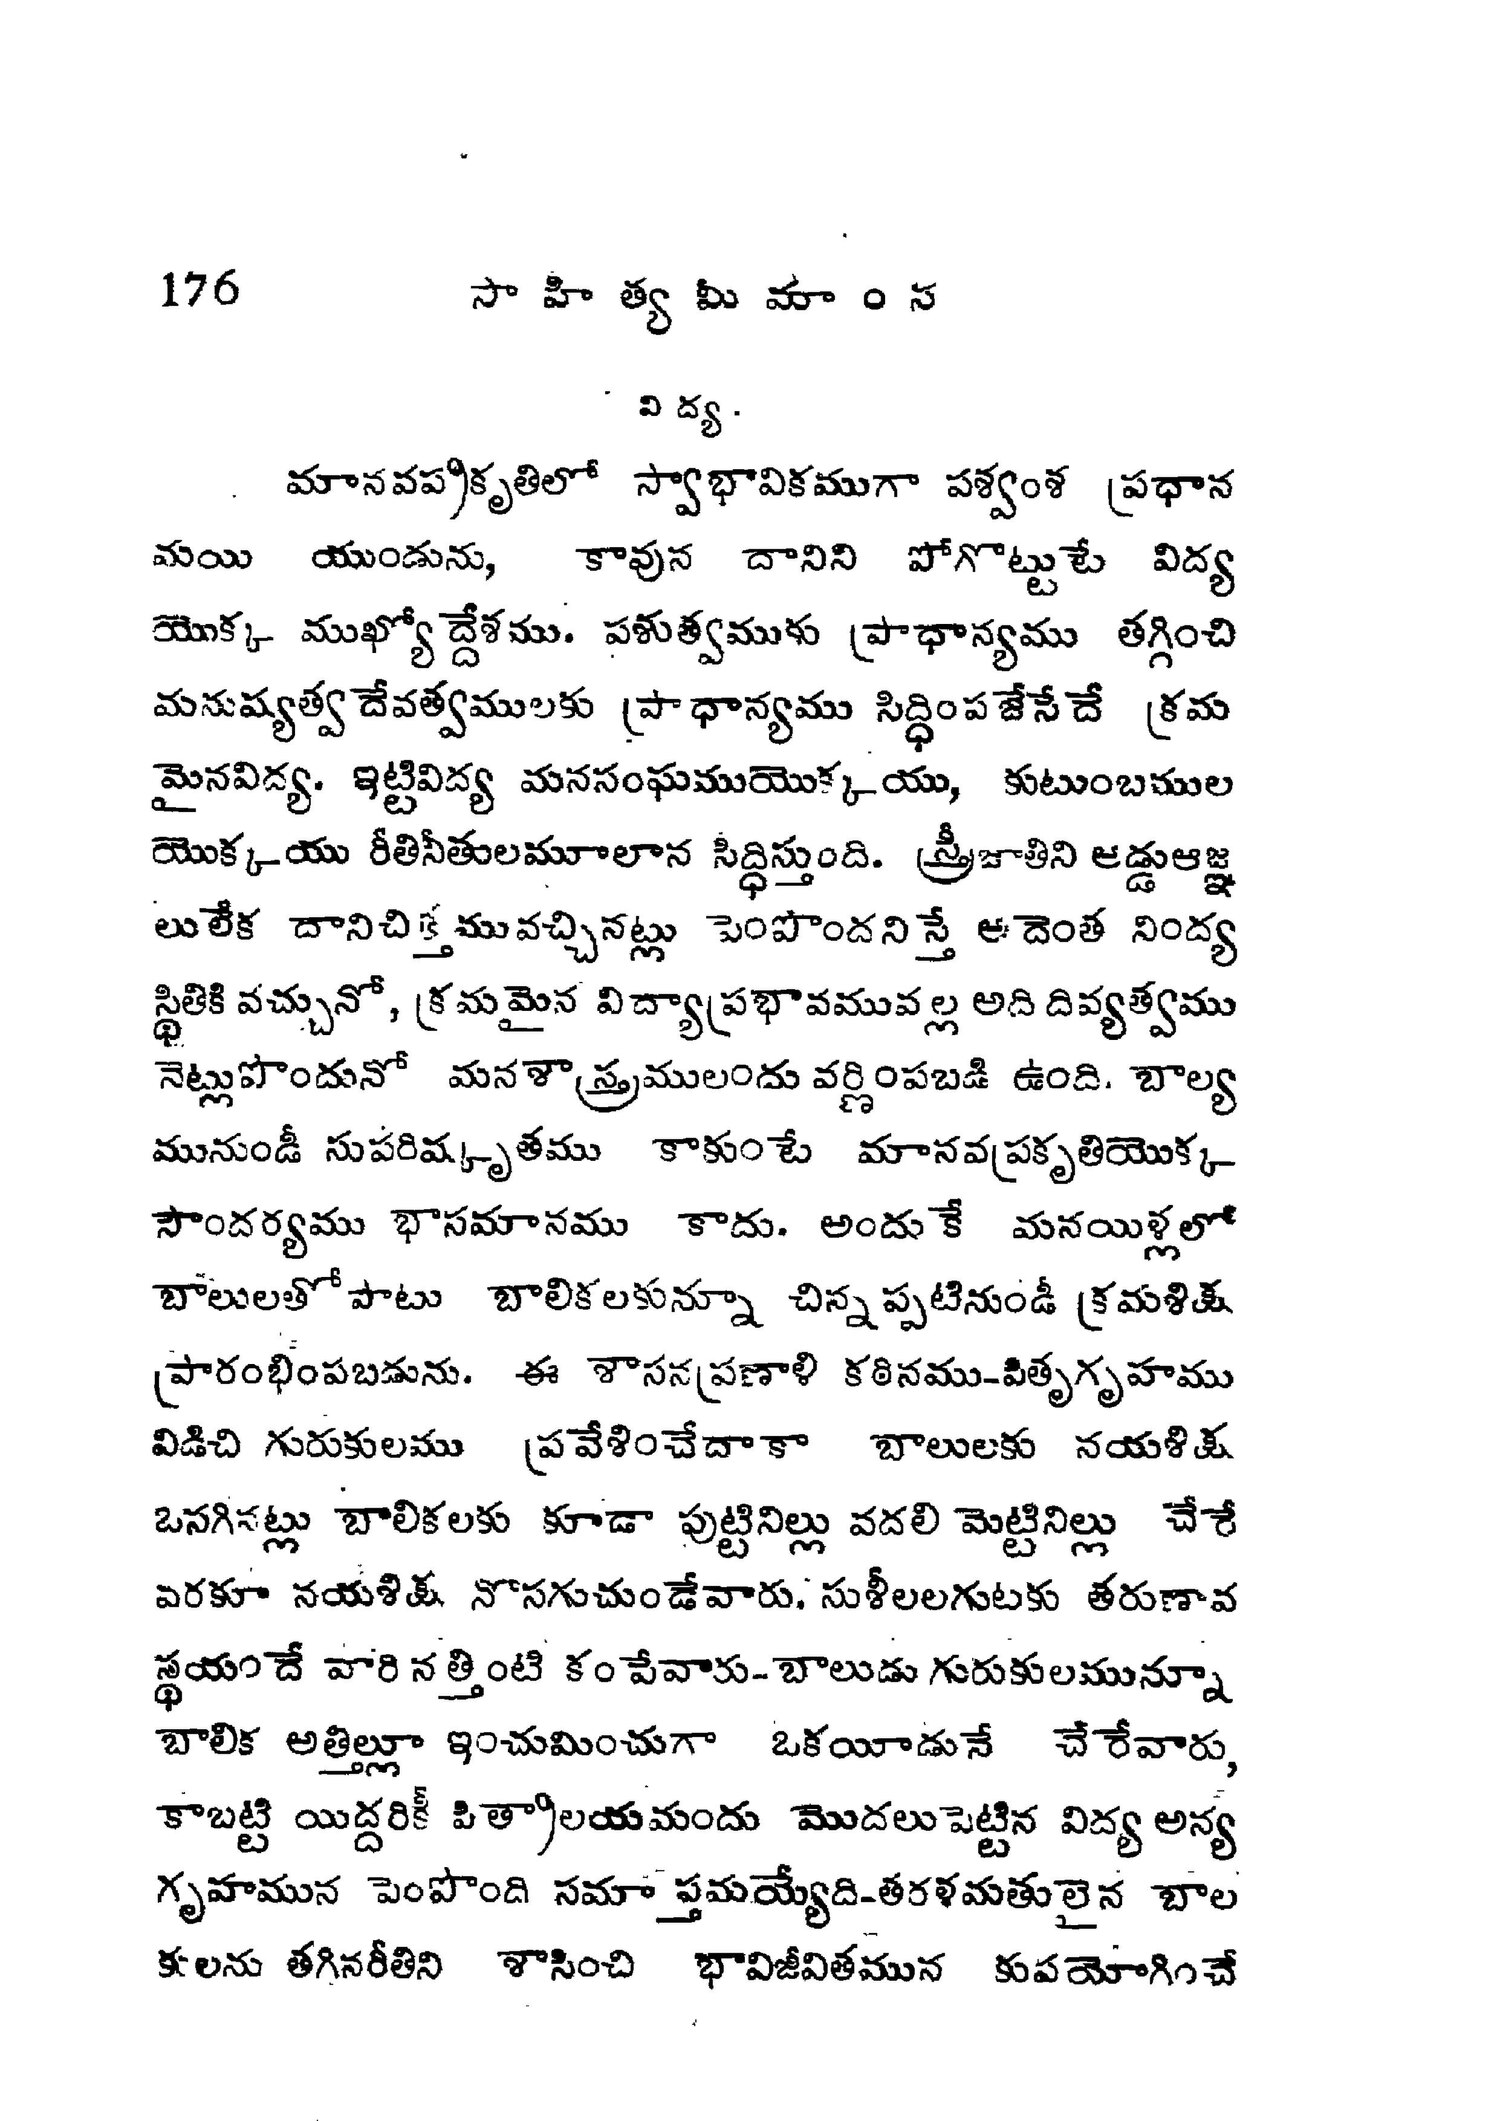మానవప్రకృతిలో స్వాభావికముగా పశ్వంశ ప్రధానమయి యుండును, కావున దానిని పోగొట్టుటే విద్యయొక్క ముఖ్యోద్దేశము. పశుత్వమునకు ప్రాధాన్యము తగ్గించి మనుష్యత్వ దేవత్వములకు ప్రాధాన్యము సిద్ధింపజేసేదే క్రమమైనవిద్య. ఇట్టివిద్య మనసంఘముయొక్కయు, కుటుంబముల యొక్కయు రీతినీతులమూలాన సిద్ధిస్తుంది. స్త్రీజాతిని అడ్డుఆజ్ఞలులేక దానిచిత్తమువచ్చినట్లు పెంపొందనిస్తే అదెంత నింద్యస్థితికి వచ్చునో, క్రమమైన విద్యాప్రభావమువల్ల అది దివ్యత్వము నెట్లుపొందునో మనశాస్త్రములందు వర్ణింపబడి ఉంది. బాల్యమునుండీ సుపరిష్కృతము కాకుంటే మానవప్రకృతియొక్క సౌందర్యము భాసమానము కాదు. అందుకే మనయిళ్లలో బాలులతో పాటు బాలికలకున్నూ చిన్నప్పటినుండీ క్రమశిక్ష ప్రారంభింపబడును. ఈ శాసనప్రణాళి కఠినము - పితృగృహము విడిచి గురుకులము ప్రవేశించేదాకా బాలులకు నయశిక్ష ఒసగినట్లు బాలికలకు కూడా పుట్టినిల్లు వదలి మెట్టినిల్లు చేరేవరకూ నయశిక్ష నొసగుచుండేవారు. సుశీలలగుటకు తరుణావస్థయందే వారి నత్తింటి కంపేవారు - బాలుడు గురుకులమున్నూ బాలిక అత్తిల్లూ ఇంచుమించుగా ఒకయీడునే చేరేవారు, కాబట్టి యిద్దరికీ పిత్రాలయమందు మొదలుపెట్టిన విద్య అన్యగృహమున పెంపొంది సమాప్తమయ్యేది - తరళమతులైన బాలకులను తగినరీతిని శాసించి భావజీవితమున కుపయోగించే